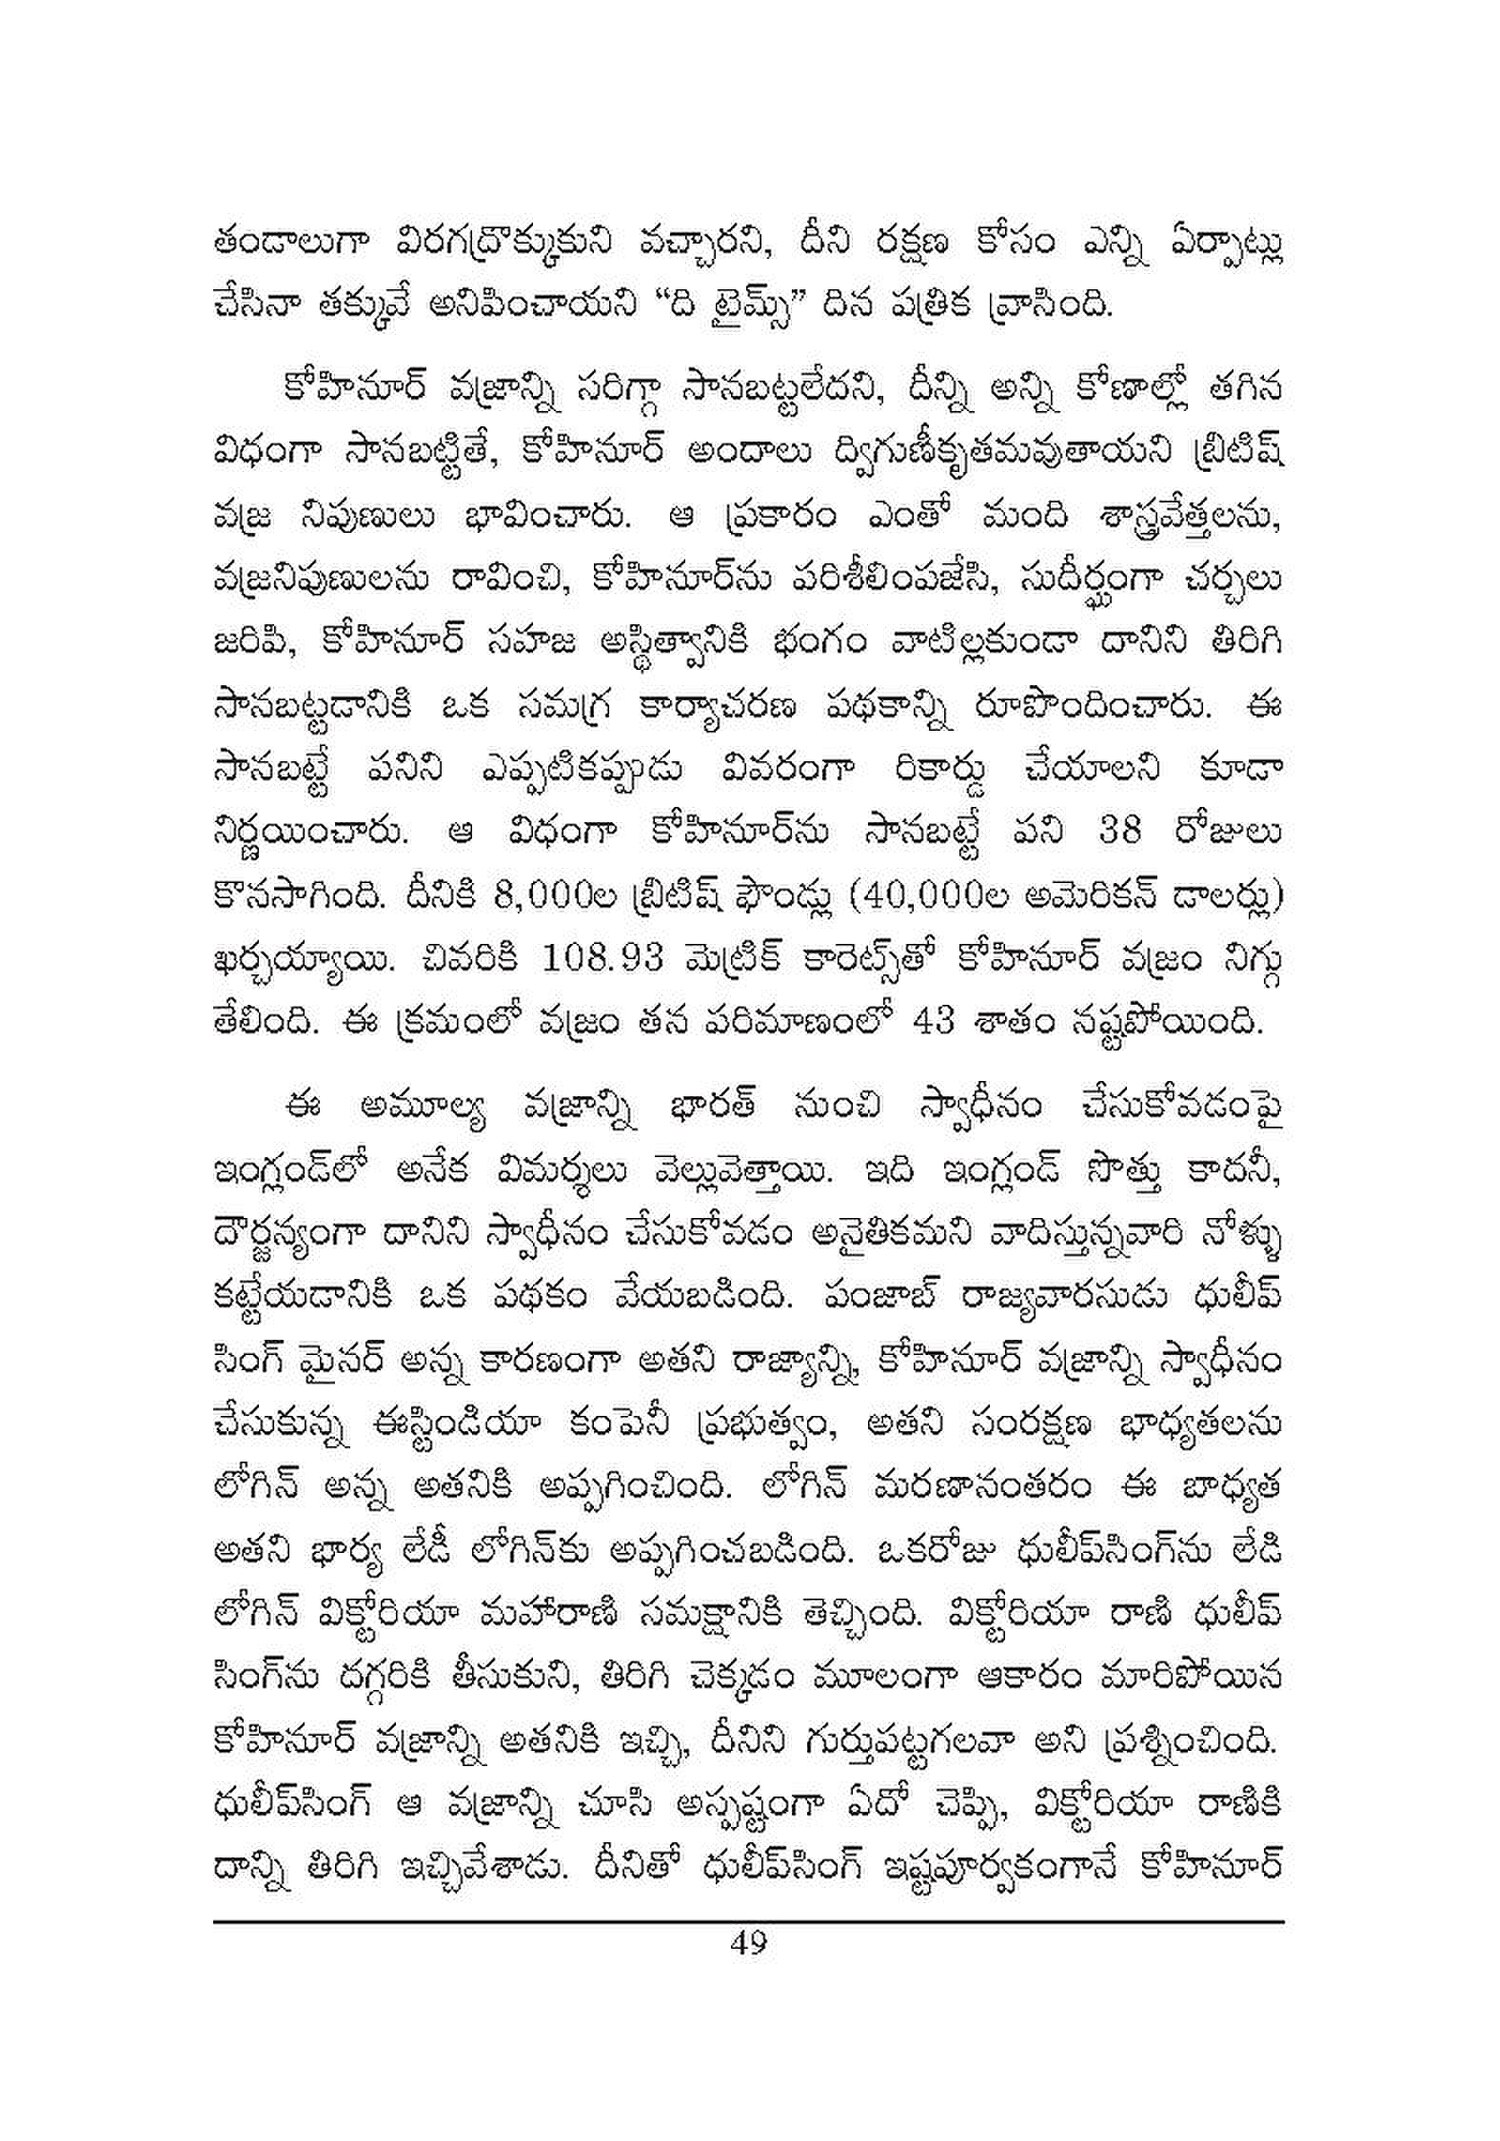తండాలుగా విరగదొక్కుకుని వచ్చారని, దీని రక్షణ కోసం ఎన్ని ఏర్పాట్ల చేసినా తక్కువే అనిపించాయని "ది టైమ్స్" దిన పత్రిక వ్రాసింది.

కోహినూర్ వజ్రాన్ని సరిగ్గా సానబట్టలేదని, దీన్ని అన్ని కోణాల్లో తగిన విధంగా సానబట్టితే, కోహినూర్ అందాలు ద్విగుణీకృతమవుతాయని బ్రిటిష్ వజ్ర నిపుణులు భావించారు. ఆ ప్రకారం ఎంతో మంది శాస్త్రవేత్తలను, వజ్రనిపుణులను రావించి, కోహినూర్ను పరిశీలింపజేసి, సుదీర్ఘంగా చర్చలు జరిపి, కోహినూర్ సహజ అస్థిత్వానికి భంగం వాటిల్లకుండా దానిని తిరిగి సానబట్టడానికి ఒక సమగ్ర కార్యాచరణ పథకాన్ని రూపొందించారు. ఈ సానబట్టే పనిని ఎప్పటికప్పుడు వివరంగా రికార్డు చేయాలని కూడా నిర్ణయించారు. ఆ విధంగా కోహినూర్ను సానబట్టే పని 38 రోజులు కొనసాగింది. దీనికి 8,000ల బ్రిటిష్ ఫౌండ్లు (40,000ల అమెరికన్ డాలర్లు) ఖర్చయ్యాయి. చివరికి 108.98 మెట్రిక్ కారెట్స్తో కోహినూర్ వజ్రం నిగ్గు తేలింది. ఈ క్రమంలో వజ్రం తన పరిమాణంలో 43 శాతం నష్టపోయింది.

ఈ అమూల్య వజ్రాన్ని భారత్ నుంచి స్వాధీనం చేసుకోవడంపై ఇంగ్లండ్‌లో అనేక విమర్శలు వెల్లువెత్తాయి. ఇది ఇంగ్లండ్ సొత్తు కాదనీ, దౌర్జన్యంగా దానిని స్వాధీనం చేసుకోవడం అనైతికమని వాదిస్తున్నవారి నోళ్ళ కట్టేయడానికి ఒక పథకం వేయబడింది. పంజాబ్ రాజ్యవారసుడు ధులీప్ సింగ్ మైనర్ అన్న కారణంగా అతని రాజ్యాన్ని కోహినూర్ వజ్రాన్ని స్వాధీనం చేసుకున్న ఈస్టిండియా కంపెనీ ప్రభుత్వం, అతని సంరక్షణ భాధ్యతలను లోగిన్ అన్న అతనికి అప్పగించింది. లోగిన్ మరణానంతరం ఈ బాధ్యత అతని భార్య లేడీ లోగిన్కు అప్పగించబడింది. ఒకరోజు ధులీప్సింగ్ను లేడి లోగిన్ విక్టోరియా మహారాణి సమక్షానికి తెచ్చింది. విక్టోరియా రాణి ధులీప్ సింగ్ ను దగ్గరికి తీసుకుని, తిరిగి చెక్కడం మూలంగా ఆకారం మారిపోయిన కోహినూర్ వజ్రాన్ని అతనికి ఇచ్చి, దీనిని గుర్తుపట్టగలవా అని ప్రశ్నించింది. ధులీప్‌సింగ్ ఆ వజ్రాన్ని చూసి అస్పష్టంగా ఏదో చెప్పి, విక్టోరియా రాణికి దాన్ని తిరిగి ఇచ్చివేశాడు. దీనితో ధులీప్‌సింగ్ ఇష్టపూర్వకంగానే కోహినూర్